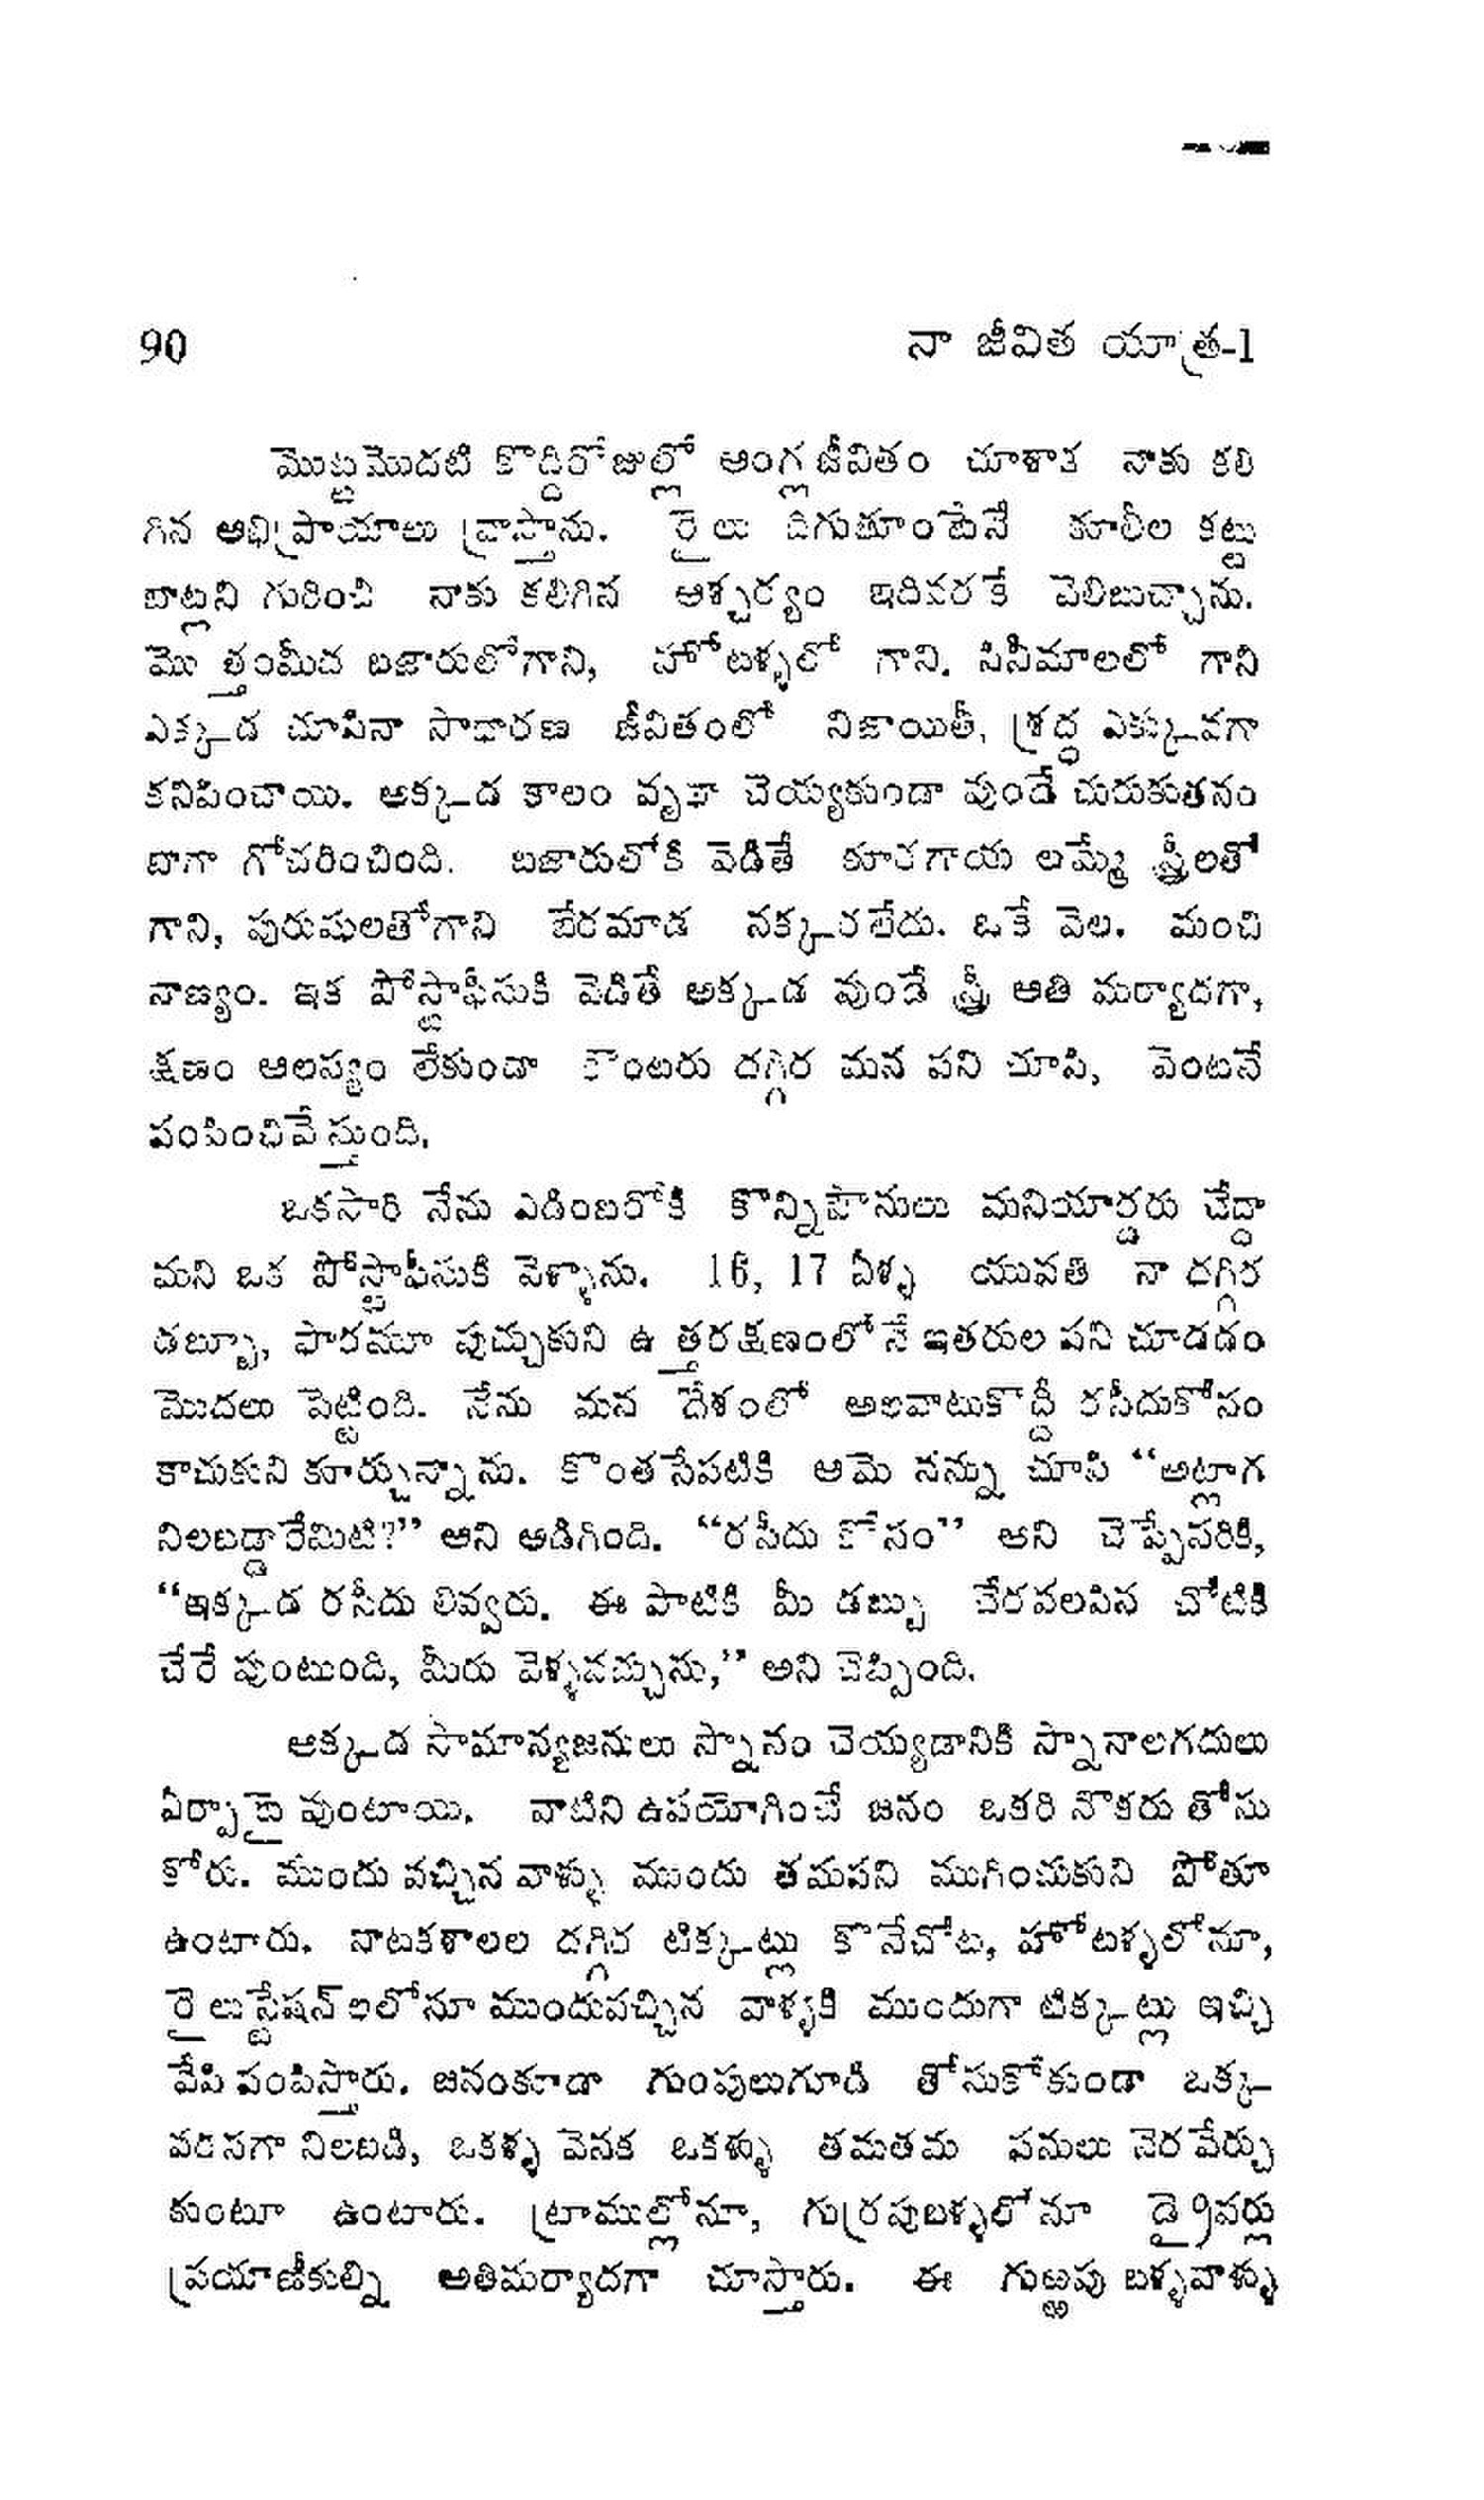మొట్టమొదటి కొద్దిరోజుల్లో ఆంగ్లజీవితం చూశాక నాకు కలిగిన అభిప్రాయాలు వ్రాస్తాను. రైలు దిగుతూంటేనే కూలీల కట్టుబాట్లని గురించి నాకు కలిగిన ఆశ్చర్యం ఇదివరకే వెలిబుచ్చాను. మొత్తంమీద బజారులోగాని, హోటళ్ళలో గాని, సినీమాలలో గాని ఎక్కడ చూసినా సాధారణ జీవితంలో నిజాయితీ, శ్రద్ధ ఎక్కువగా కనిపించాయి. అక్కడ కాలం వృథా చెయ్యకుండా వుండే చురుకుతనం బాగా గోచరించింది. బజారులోకి వెడితే కూరగాయ లమ్మే స్త్రీలతో గాని, పురుషులతోగాని బేరమాడ నక్కరలేదు. ఒకే వెల. మంచి నాణ్యం. ఇక పోస్టాఫీసుకి వెడితే అక్కడ వుండే స్త్రీ అతి మర్యాదగా, క్షణం ఆలస్యం లేకుండా కౌంటరు దగ్గిర మన పని చూసి, వెంటనే పంపించివేస్తుంది.

ఒకసారి నేను ఎడింబరోకి కొన్నిపౌనులు మనియార్డరు చేద్దామని ఒక పోస్టాఫీసుకి వెళ్ళాను. 16, 17 ఏళ్ళ యువతి నా దగ్గిర డబ్బూ, ఫారమూ పుచ్చుకుని ఉత్తరక్షణంలోనే ఇతరుల పని చూడడం మొదలు పెట్టింది. నేను మన దేశంలో అలవాటుకొద్దీ రసీదుకోసం కాచుకుని కూర్చున్నాను. కొంతసేపటికి ఆమె నన్ను చూసి "అట్లాగ నిలబడ్డారేమిటి?" అని అడిగింది. "రసీదు కోసం" అని చెప్పేసరికి, "ఇక్కడ రసీదు లివ్వరు. ఈ పాటికి మీ డబ్బు చేరవలసిన చోటికి చేరే వుంటుంది, మీరు వెళ్ళవచ్చును," అని చెప్పింది.

అక్కడ సామాన్యజనులు స్నానం చెయ్యడానికి స్నానాలగదులు ఏర్పాటై వుంటాయి. వాటిని ఉపయోగించే జనం ఒకరి నొకరు తోసుకోరు. ముందు వచ్చిన వాళ్ళు ముందు తమపని ముగించుకుని పోతూ ఉంటారు. నాటకశాలల దగ్గిర టిక్కట్లు కొనేచోట, హోటళ్ళలోనూ, రైలుస్టేషన్‌లలోనూ ముందువచ్చిన వాళ్ళకి ముందుగా టిక్కట్లు ఇచ్చివేసి పంపిస్తారు. జనంకూడా గుంపులుగూడి తోసుకోకుండా ఒక్క వరసగా నిలబడి, ఒకళ్ళ వెనక ఒకళ్ళు తమతమ పనులు నెరవేర్చుకుంటూ ఉంటారు. ట్రాముల్లోనూ, గుర్రపుబళ్ళలోనూ డ్రైవర్లు ప్రయాణీకుల్ని అతిమర్యాదగా చూస్తారు. ఈ గుఱ్ఱపు బళ్ళవాళ్ళు